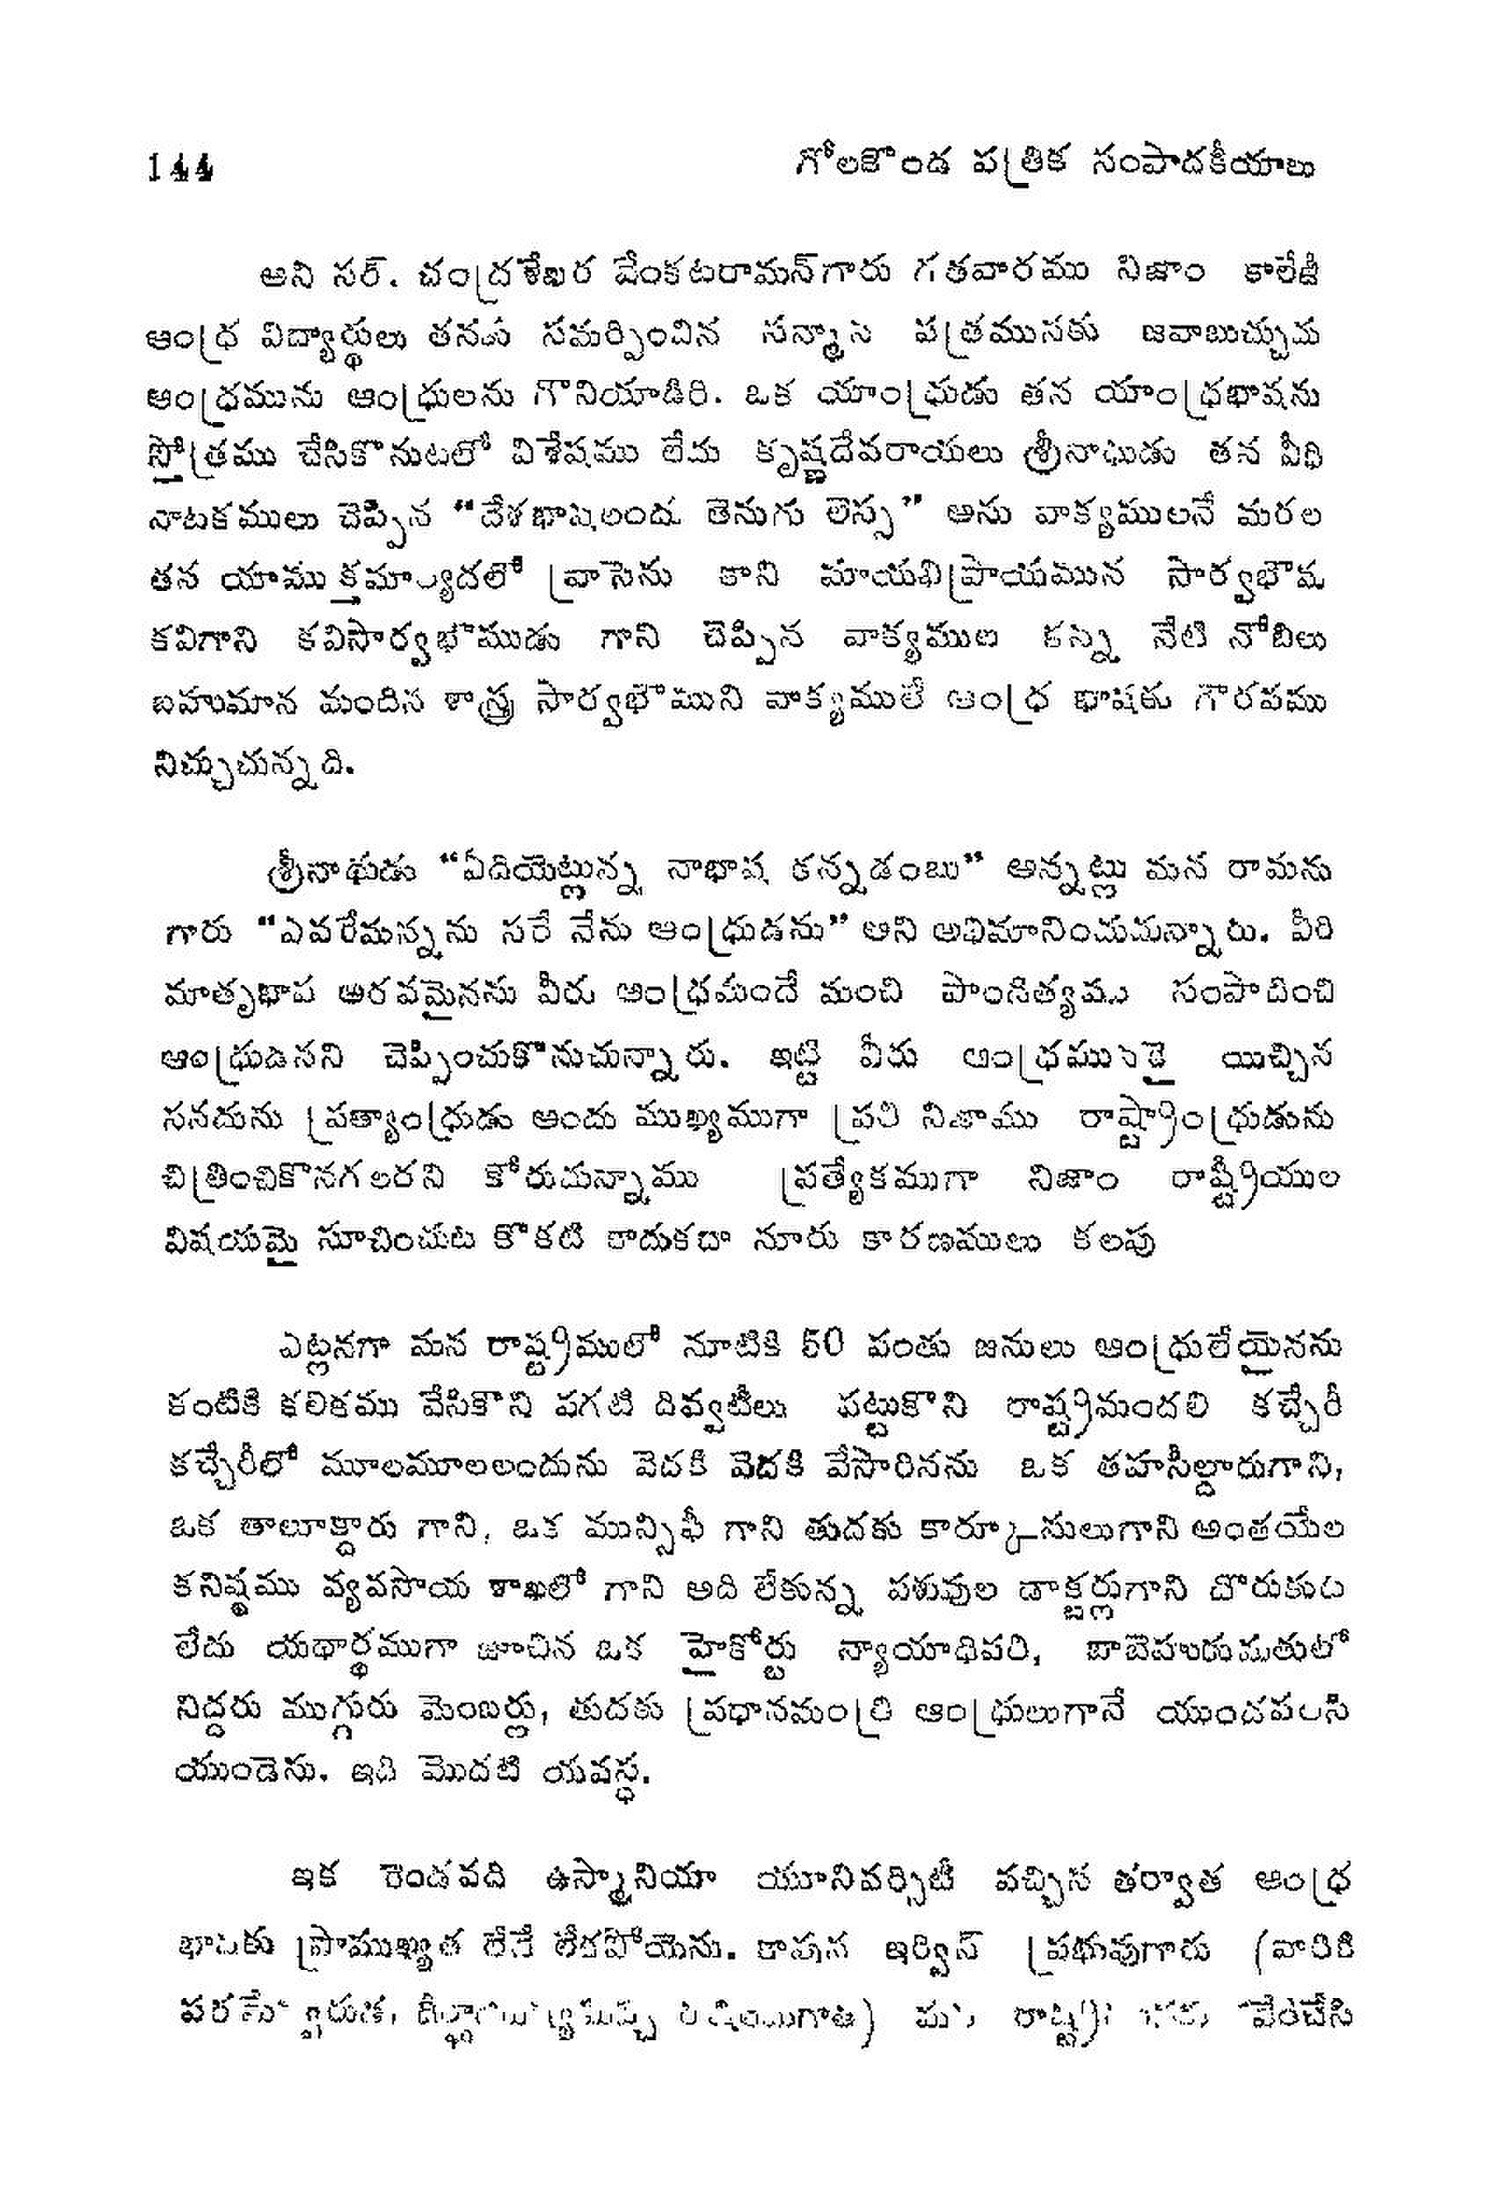అని సర్. చంద్రశేఖర వేంకటరామన్ గారు గతవారము నిజాం కాలేజీ ఆంధ్ర విద్యార్థులు తను సమర్పించిన సన్మాన పత్రమునకు జవాబుచ్చుచు ఆంధ్రమును ఆంధ్రులను గొనియాడిరి. ఒక యాంధ్రుడు తన యాంధ్రభాషను స్తోత్రము చేసికొనుటలో విశేషము లేదు కృష్ణదేవరాయలు శ్రీనాధుడు తన వీధి నాటకములు చెప్పిన “దేశభాషలందు తెనుగు లెస్స" అను వాక్యములనే మరల తన యాముక్తమాల్యదలో వ్రాసెను కాని మాయభిప్రాయమున సార్వభౌమ కవిగాని కవిసార్వభౌముడు గాని చెప్పిన వాక్యముల కన్న నేటి నోబిలు బహుమాన మందిన శాస్త్ర సార్వభౌముని వాక్యములే ఆంధ్ర భాషకు గౌరవము నిచ్చుచున్నది.

శ్రీనాథుడు "ఏదియెట్లున్న నాభాష కన్నడంబు" అన్నట్లు మన రామనుగారు “ఎవరేమన్నను సరే నేను ఆంధ్రుడను" అని అభిమానించుచున్నారు. వీరి మాతృభాష అరవమైనను వీరు ఆంధ్రమందే మంచి పాండిత్యము సంపాదించి
ఆంధ్రుడనని చెప్పించుకొనుచున్నారు. ఇట్టి వీరు ఆంధ్రమునకై యిచ్చిన సనదును ప్రత్యాంధ్రుడు అందు ముఖ్యముగా ప్రతి నిజాము రాష్ట్రాంధ్రుడును చిత్రించికొనగలరని కోరుచున్నాము ప్రత్యేకముగా నిజాం రాష్ట్రీయుల
విషయమై సూచించుట కొకటి కాదుకదా నూరు కారణములు కలవు

ఎట్లనగా మన రాష్ట్రములో నూటికి 50 వంతు జనులు ఆంధ్రులేయైనను కంటికి కలికము వేసికొని పగటి దివ్వటీలు పట్టుకొని రాష్ట్రమందలి కచ్చేరీ కచ్చేరీలో మూలమూలలందును వెదకి వెదకి వేసారినను ఒక తహసీల్దారుగాని,
ఒక తాలూక్దారు గాని, ఒక మున్సిఫీ గాని తుదకు కార్కూనులుగాని అంతయేల కనిష్ఠము వ్యవసాయ శాఖలో గాని అది లేకున్న పశువుల డాక్టర్లుగాని దొరుకుట లేదు యథార్థముగా జూచిన ఒక హైకోర్టు న్యాయాధిపతి, బాబెహుకుమతులో నిద్దరు ముగ్గురు మెంబర్లు, తుదకు ప్రధానమంత్రి ఆంధ్రులుగానే యుండవలసి యుండెను. ఇది మొదటి యవస్థ.

ఇక రెండవది ఉస్మానియా యూనివర్సిటీ వచ్చిన తర్వాత ఆంధ్ర భాషకు ప్రాముఖ్యత లేనే లేకపోయెను. కావున ఇర్విన్ ప్రభువుగారు (వారికి పరమేశ్వరుడు దీర్ఘాయ్యుమిచ్చి రక్షించుగాత) మన రాష్ట్రమందు వేంచేసి